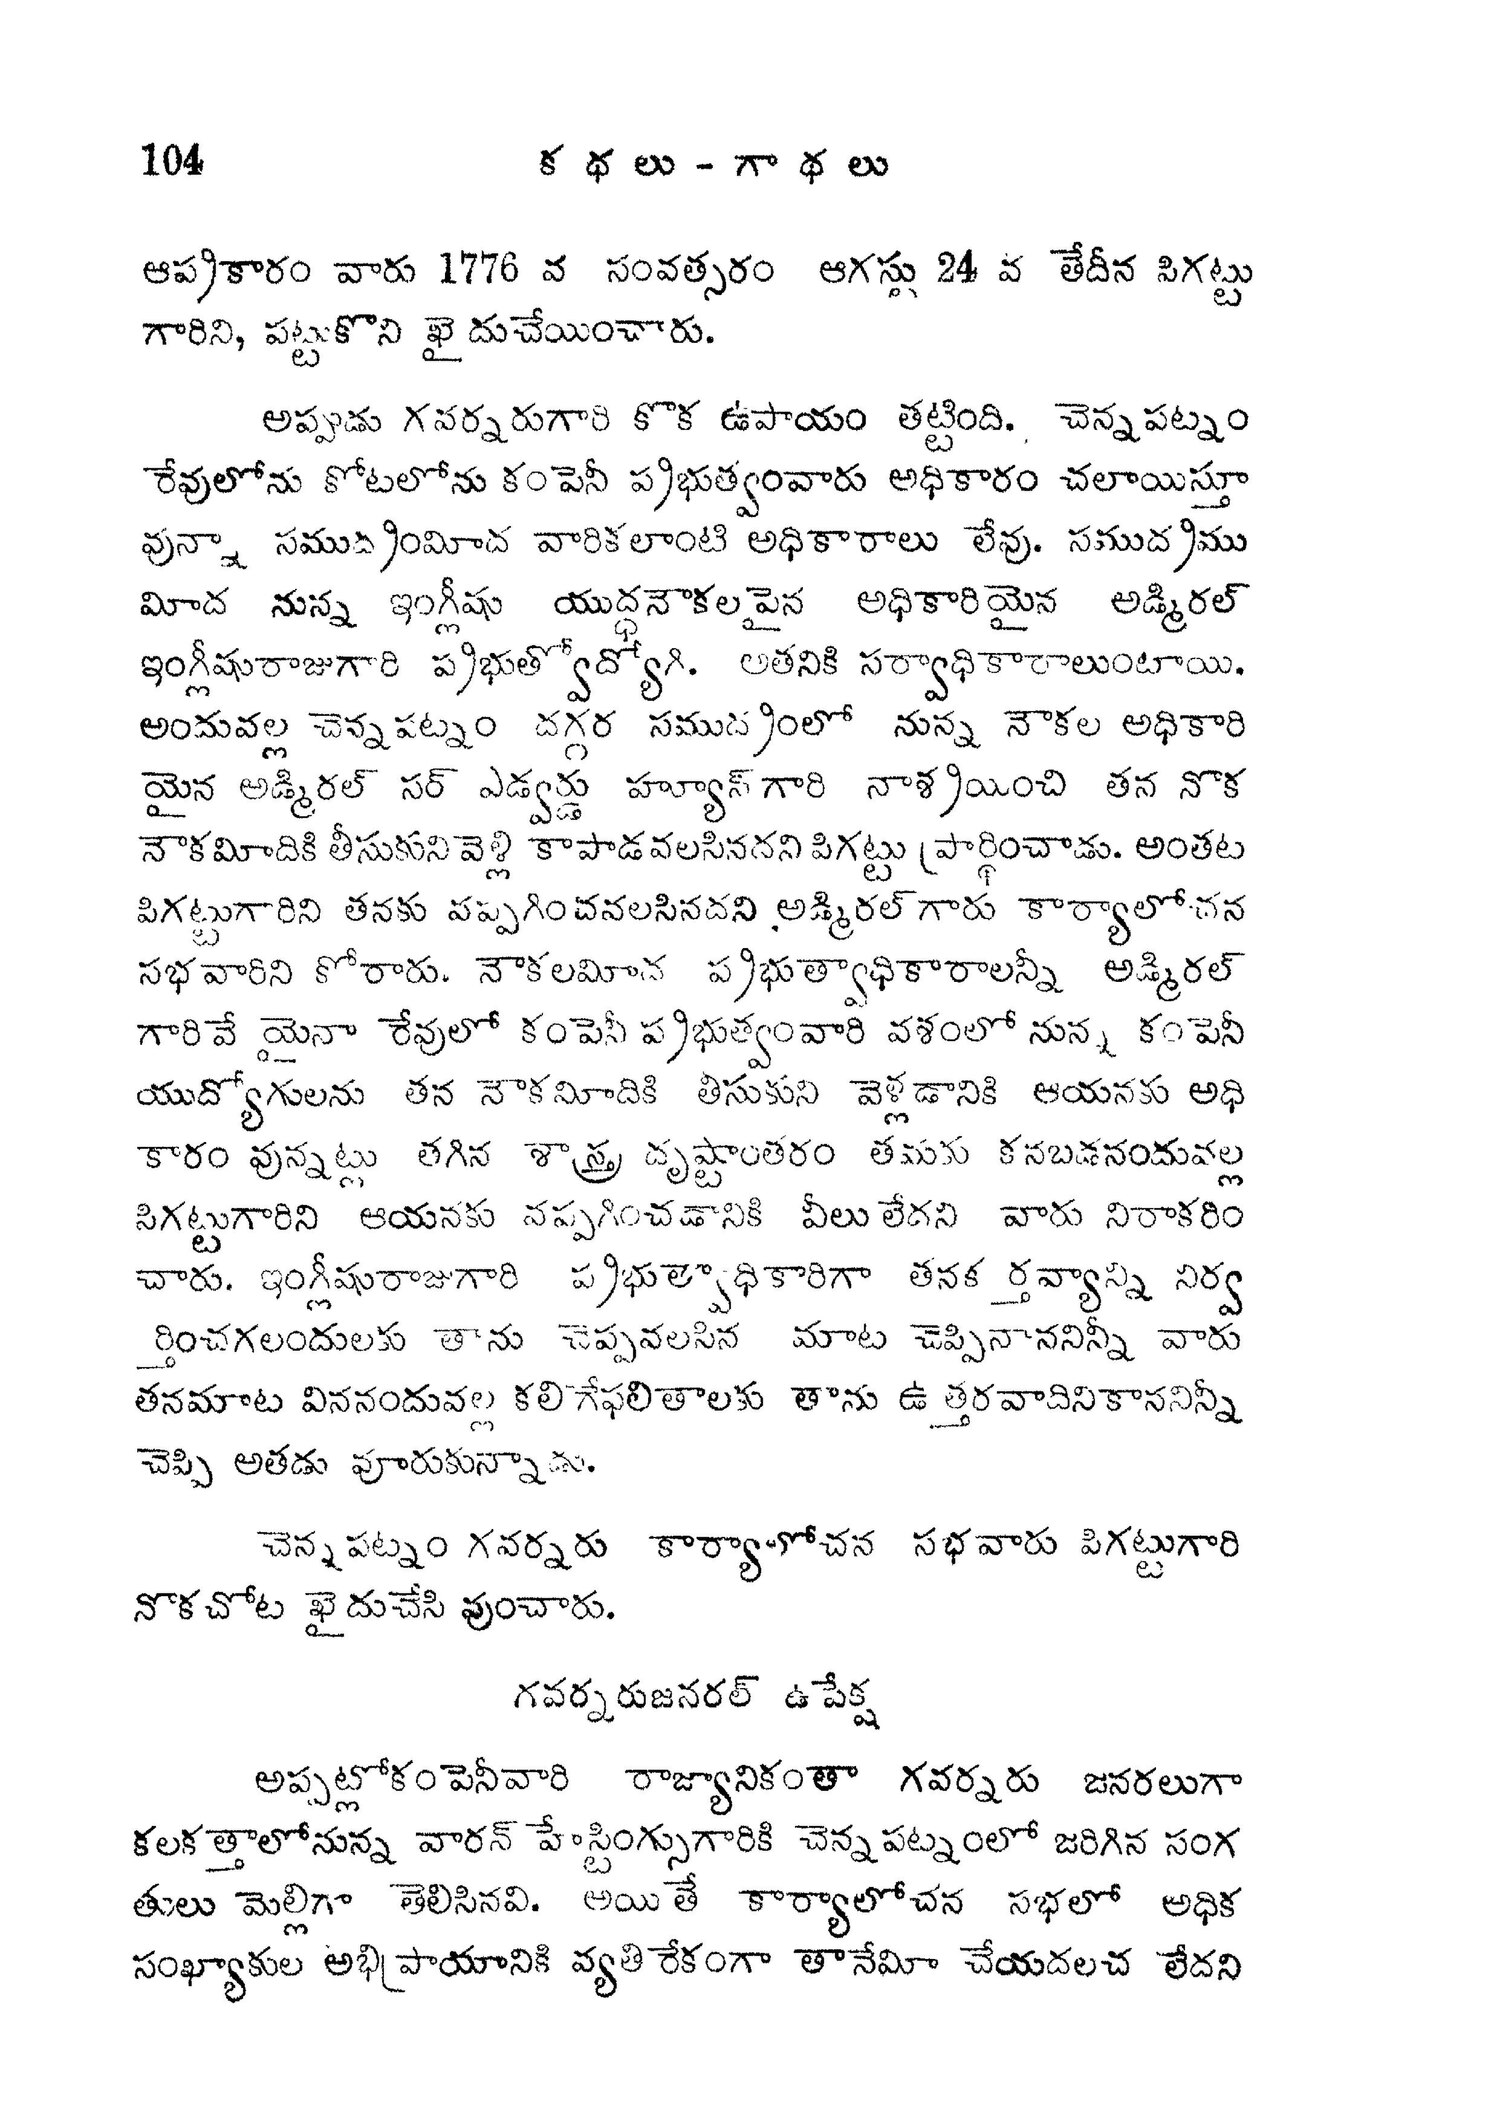ఆప్రకారం వారు 1776 వ సంవత్సరం ఆగుస్టు 24 వ తేదీన పిగట్టు గారిని, పట్టుకొని ఖైదుచేశారు.

అప్పుడు గవర్నరుగారి కొక ఉపాయం తట్టింది, చెన్నపట్నం రేవులోను కోటలోనూ కంపనీ ప్రభుత్వంవారు అధికారం చలాయిస్తూ వున్నా సముద్రంమీద వారికలాంటి అధికారాలు లేవు. సముద్రము మీద నున్న ఇంగ్లీషు యుద్దనౌకలపైన అధికారియైన అడ్మిరల్ ఇంగ్లీషురాజుగారి ప్రభుత్వోగి. అతనికి సర్వాధికారాలుంటాయి. అందువల్ల చెన్నపట్నం దగ్గర సముద్రంలో నున్న నౌకల అధికారియైన అడ్మిరల్ సర్ ఎడ్వర్డ్ హ్యూస్ గారి నాశ్రయించి తన నొక నౌకమీదికి తీసుకునివెళ్లి కాపాడవలసినదని పిగట్టు ప్రార్ధించాడు. అంతట పిగట్టు గారిని తనకు వప్పగించవలసినదని అడ్మిరల్ గారు కార్యాలోచన సభవారిని కోరారు. నౌకలమీద ప్రభుత్వాధికారాలన్నీ అడ్మిరల్ గారివే యైనా రేవులో కంపెనీ ప్రభుత్వంవారి వశంలో నున్న కంపెనీ యుద్యోగులను తన నౌకమీదికి తీసుకుని వెళ్లడానికి ఆయనకు అధికారం వున్నట్లు తగిన శాస్త్ర దృష్టాంతరం తమకు కనబడనందువల్ల పిగట్టుగారిని ఆయనకు వప్పగించడానికి వీలులేదని వారు నిరాకరించారు. ఇంగ్లీషురాజుగారి ప్రభుత్వాధికారిగా తనకర్తవ్యాన్ని నిర్వర్తించగలందులకు తాను చెప్పవలసిన మాట చెప్పినాననిన్నీ వారు తనమాట విననందువల్ల కలిగే ఫలితాలకు తాను ఉత్తరవాదిని కాదనిన్నీ చెప్పి అతడు వూరుకున్నాడు.

చెన్నపట్నం గవర్నరు కార్యాలోచన సభవారు పిగట్టుగారి నొకచోట ఖైదుచేసి వుంచారు.

అప్పట్లోకంపెనీవారి రాజ్యానికంతా గవర్నరు జనరలుగా కలకత్తాలోనున్న వారన్ హేస్టింగ్సుగారికి చెన్నపట్నంలో జరిగిన సంగతులు మెల్లిగా తెలిసినవి. అయితే కార్యాలోచన సభలో అధిక సంఖ్యాకుల అభిప్రాయానికి వ్యతిరేకంగా తానేమీ చేయదలచ లేదని